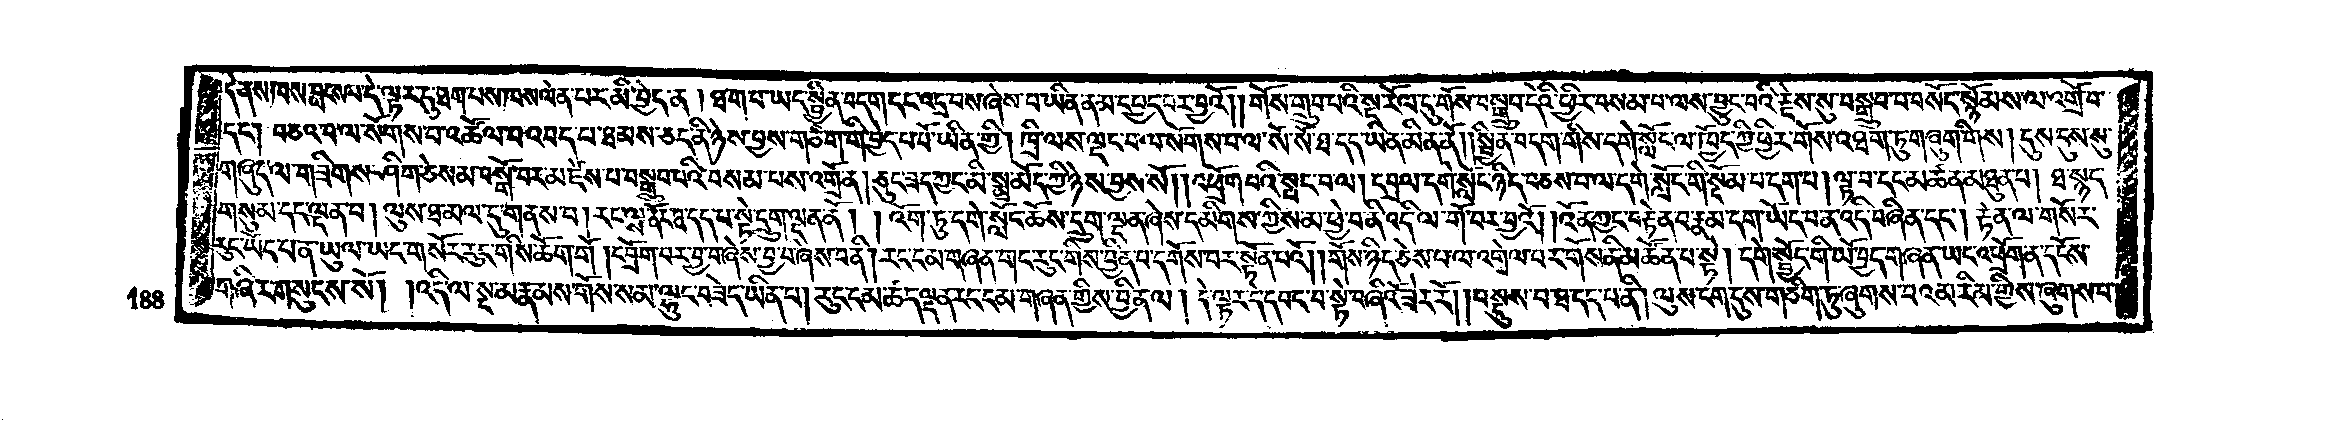དེ་ནས་ཁས་བླངས་པ་དེ་ལྟར་དུ་ཐག་པས་ཁས་ལེན་པར་མི་བྱེད་ན། ཐ་ག་པ་ཡང་སྦྱིན་བདག་དང་འདྲ་པས་ཞེས་པ་ཡིན་ནམ་དཔྱད་པར་བྱའོ། །གོས་གྲུབ་པའི་སྔ་རོལ་དུ་གོས་བསྒྲུབ་དེའི་ཕྱིར་བསམ་པ་ལས་བྱུང་བའི་རྗེས་སུ་བསྒྲུབ་པ་བསོད་སྙོམས་ལ་འགྲོ་བ་
དང་། བཅའ་བ་ལ་སོགས་པ་འཚོལ་བ་འབད་པ་ཐམས་ཅད་ནི་ཉེས་བྱས་གཅིག་གི་བྱེད་པ་པོ་ཡིན་གྱི། ཁྲི་ལས་ལྡང་བ་ལ་སོགས་པ་ལ་སོ་སོ་ཐ་དད་ཡིན་མིན་ནོ། །སྦྱིན་བདག་གིས་དགེ་སློང་ལ་ཁྱོད་ཀྱི་ཕྱིར་གོས་འཐག་ཏུ་གཞུག་གིས། དུས་དུས་སུ་
གཞུད་ལ་གཟིགས་ཤིག་ཅེས་མ་བསྒོ་བར་མཛེས་པ་བསྒྲུབ་པའི་བསམ་པས་འགྲོ་ན། ཅུང་ཟད་ཀྱང་མི་སྨྲ་མོད་ཀྱི་ཉེས་བྱས་སོ། །འཕྲོག་པའི་སྤང་བ་ལ། དབྲལ་དགེ་སློང་ཉིད་བཅས་པ་ལ་དགེ་སློང་གི་སྡོམ་པ་དག་པ། ལྟ་བ་དང་མཚན་མཐུན་པ། ཐ་སྙད་
གསུམ་དང་ལྡན་པ། ལུས་ཐ་མལ་དུ་གནས་པ། རང་ལས་ནོར་ཐ་དད་པ་སྟེ་དྲུག་ལྡན་ནོ། །འོག་ཏུ་དགེ་སློང་ཆོས་དྲུག་ལྡན་ཞེས་དམིགས་ཀྱིས་མ་ཕྱེ་བ་ནི་འདི་ལ་གོ་བར་བྱའོ། །འོན་ཀྱང་བརྟེན་པ་རྣམ་དག་ཡོད་པ་ན་འདི་བཞིན་དང་། རྟེན་ལ་གསོར་
རུང་ཡོད་པ་ན་ཡུལ་ཡང་གསོར་རུང་གིས་ཆོག་གོ །དབྲོག་པར་བྱ་བ་ཞེས་བྱ་བ་ཞེས་པ་ནི། རང་ངམ་གཞན་གང་རུང་གིས་བྱིན་པ་དགོས་པར་སྟོན་པའོ། །གོས་ཉིད་ཅེས་པ་ལ་འགྲེལ་པར་གོས་ནི་མཚོན་པ་སྟེ། དགེ་སྦྱོང་གི་ཡོ་བྱད་གཞན་ཡང་འཕྲོག་ན་དངོས་
གཞིར་གསུངས་སོ། །འདི་ལ་སྔ་མ་རྣམས་གོས་སམ་ལྷུང་བཟེད་ཡིན་པ། རུང་ངམ་ཚད་ལྡན་རང་ངམ་གཞན་གྱིས་བྱིན་ལ། དེ་ལྟར་དེ་དབང་བ་སྟེ་བཞིའོ་ཟེར་རོ། །བསྡུས་པ་ཐ་དད་པ་ནི། ལུས་ངག་དུས་གཅིག་ཏུ་ཞུགས་པའམ་རིམ་གྱིས་ཞུགས་པ་